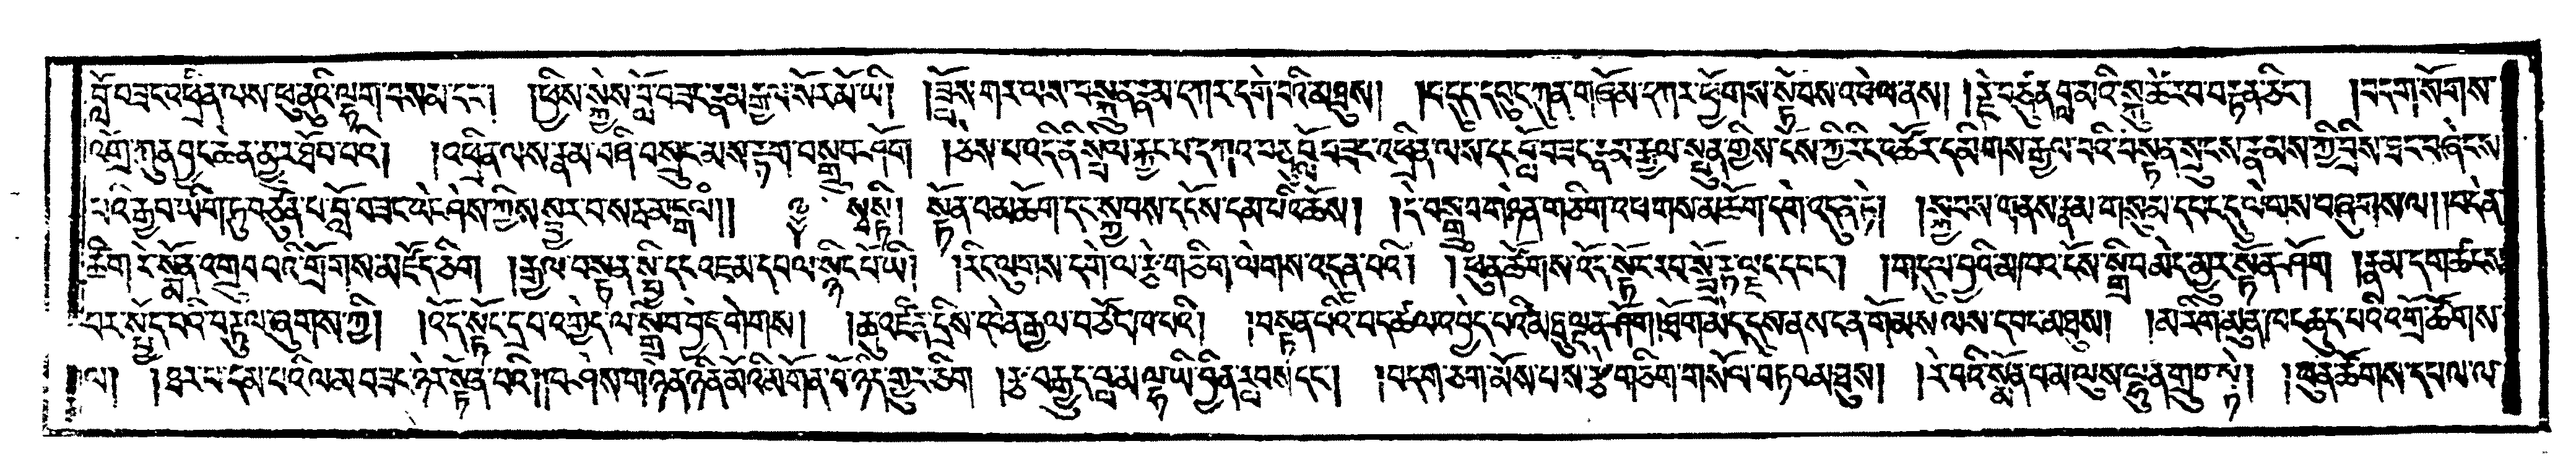བློ་བཟང་འཕྲིན་ལས་ཕུ་ནུའི་ལྷག་བསམ་དང་། །ཕྱིས་སྐྱེས་བློ་བཟང་རྣམ་རྒྱལ་སོར་མོ་ཡི། །ཟློས་གར་ལས་བསྐྲུན་རྣམ་དཀར་དགེ་བའི་མཐུས། །བདུད་དཔུང་ཀུན་གཞོམ་དཀར་ཕྱོགས་སྟོབས་འཕེལ་ནས། །རྗེ་བཙུན་བལ་མའི་སྐུ་ཚེ་རབ་བརྟན་ཅིང་། །བདག་སོགས་
འགྲོ་ཀུན་འབྱང་ཆེན་མྱུར་ཐོབ་པའི། །འཕྲིན་ལས་རྣམ་བཞི་བསྲུང་མས་རྟག་བསྒྲུབ་ཤོག །ཅེས་པ་འདི་ནི་སྤེལ་རྐྱང་པ་དཀའ་བཅུ་བློ་བཟང་འཕྲིན་ལས་དང་བློ་བཟང་རྣམ་རྒྱལ་སྤུན་གྱིས་ངོས་ཀྱི་རིང་འཚོར་དམིགས་རྒྱལ་བའི་བསྟན་སྲུངས་རྣམས་ཀྱི་བྲིས་ཐང་བཞེངས་
པའི་རྒྱབ་ཡིག་ཏུ་བཙུན་པ་བློ་བཟང་ཡེ་ཤེས་ཀྱིས་སྦྱར་བ་སརྦ་མངྒལཾ།། ༈ སྭསྟི། སྟོན་པ་མཆོག་དང་སྐྱབས་དངོས་དམ་པའི་ཆོས། །དེ་བསྒྲུབ་གཉེན་གཅིག་འཕགས་མཆོག་དགེ་འདུན་ཏེ། །སྐྱབས་གནས་རྣམ་གསུམ་དབང་དུ་ལེགས་བཞུགས་ལ། །བདེན་
ཚིག་རེ་སྨོན་འགྲུབ་བའི་གྲོགས་མཛོད་ཅིག །རྒྱལ་བསྟན་སྤྱི་དང་འཇམ་དཔལ་སྙིང་པོ་ཡི། །རིང་ལུགས་དགེ་ལ་རྩེ་གཅིག་ལེགས་འདུན་པའི། །ཕུན་ཚོགས་འོད་སྟོང་རབ་སྤྲོ་རྟ་ལྗང་དབང་། །གདུལ་བྱའི་མཁའ་ངོས་སྒྲིབ་མེད་མྱུར་སྟོན་ཤོག །རྣམ་དག་ཚངས་
པར་སྤྱོད་པའི་བརྟུལ་ཞུགས་ཀྱི། །འོད་སྟོང་དྲ་བ་འགྱེད་ལ་སྒྲིབ་བྱེད་གེགས། །ཆུ་འཛིན་དྲིས་དབེན་རྒྱལ་བ་ཙོང་ཁ་པའི། །བསྟན་པའི་པད་ཚལ་འབྱེད་པའི་མཐུ་ལྡན་ཤོག །ཐོག་མེད་དུས་ནས་ངན་གོམས་ལས་དབང་མཐུས། །མ་རིག་མུན་ཁང་ཆུད་པའི་འགྲོ་ཚོགས་
ལ། །ཐར་པ་དམ་པའི་ལམ་བཟང་ཉེར་སྟོན་པའི། །བཤེས་གཉེན་ཉིན་མོའི་མགོན་པོ་ཉིད་གྱུར་ཅིག །རྩ་བརྒྱུད་བླ་མ་ལྷ་ཡི་བྱིན་རླབས་དང་། །བདག་ཅག་མོས་པས་རྩེ་གཅིག་གསོལ་བཏབ་མཐུས། །རེ་བའི་སྨོན་པ་མ་ལུས་ལྷུན་གྲུབ་སྟེ། །ཕུན་ཚོགས་དཔལ་ལ་